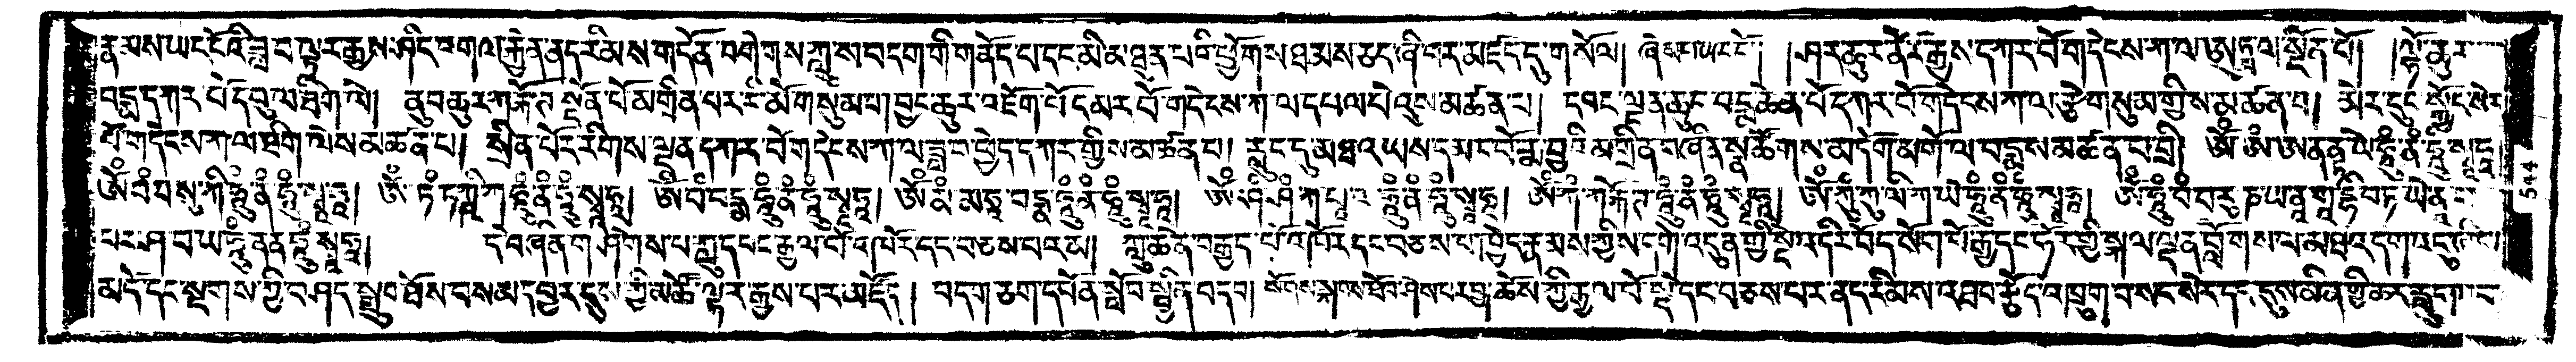རྣམས་ཡང་ངོའི་ཟླ་བ་ལྟར་གྱས་ཤིང་བགལ་རྐྱེན་ནད་རིམས་གདོན་བགེགས་ཀླུས་བདག་གི་གནོད་པ་དང་མི་མཐུན་པའི་ཕྱོགས་ཐམས་ཅད་ཞི་སར་མཛད་དུ་གསོལ། ཞེས་པ་ཡང་ངོ། །ཤར་ཆུ་ནོར་རྒྱས་དཀར་བོ་གདེངས་ཀ་ལ་ཨུ་ཊྤ་ལ་སྔོན་པོ། །ལྷོ་ནུར་
པདམ་དཀར་པོ་དབུལ་ཐིག་ལེ། ནུབ་ཆུར་ཀ་རྐོ་ཊ་སྔོན་པོ་མགྲིན་པར་རི་མོ་གསུམ་པ། བྱང་ཆུར་འཇོག་པོ་དམར་པོ་གདེངས་ཀ་ལ་དཔལ་པེ་འུས་མཚན་པ། དབང་ལྡན་ཆུང་པདམ་ཆེན་པོ་དཀར་པོ་གདེངས་ཀ་ལ་རྩེ་གསུམ་གྱིས་མཚན་བ། མེར་དུང་སྐྱོང་སེར་
བོ་གདེངས་ཀ་ལ་ཐིག་ལེས་མཚན་པ། སྲིན་པོད་རིགས་ལྡན་དཀར་པོ་གདེངས་ཀ་ལ་ཟླ་བ་ཕྱེད་དཀར་གྱིས་མཚན་པ། རླུང་དུ་མཐའ་ཡས་དམར་པོ་རྨ་བྱའི་མགྲིན་བཞིན་སྣ་ཚོགས་མདོག་མགོ་ལ་པདམས་མཚན་བ་བྲི། ཨོཾ་ཨཾ་ཨན་ནྟ་ཡེ་ཧཱུཾ་ནཾ་ཧཱུ་སྭཱ་ཧཱ།
ཨོཾ་བཾ་བསུ་ཀི་ཧཱུཾ་ནཾ་སྭཱ་ཧཱ། ཨོཾ་ཏཾ་ཏ་ཀྵི་ཀ་ཧཱུཾ་ནམ་ཧཱུ་སྭཱ་ཧཱ། ཨོཾ་བཾ་པདམ་ཧཱུཾ་ནཾ་ཧཱུཾ་སྭཱ་ཧཱ། ཨོམ་མཾ་མ་ཧཱ་པད་མ་ཧཱུཾ་ནཾ་ཧཱུམ་སྭཱ་ཧཱ། ཨོཾ་ཤཾ་ཤཾ་ཀ་པྭ་ལ་ཧཱུཾ་ནཾ་ཧཱུཾ་སཱ་ཧཱ། ཨོཾ་ཀཾ་ཀ་རྒོ་ཊ་ཧཱུ་ནཾ་ཧཱུཾ་སྭཱ་ཧཱ། ཨོཾ་ཀུཾ་ཀུ་ལི་ཀ་ཡེ་ཧཱུཾནཾ་ཧཱཾ་སྭཱ་ཧཱ། ཨོཾ་ཧཱུམ་བཾ་བ་རུ་ཎ་ཡ་ནཱ་གཱ་དྷི་བཏ་ཡོན་?
པར་ཤ་བ་ཡ་ཧཱུཾ་ནན་ཧཱུཾ་སྭཱ་ཧཱ། དེ་བཞིན་གཤེགས་པ་ཀླུ་དབང་རྒྱལ་བ་འཁོར་དང་བཅས་བར་མ། ཀླུ་ཆེན་བརྒྱུད་པོ་འཁོར་དང་བཅས་པ་ཁྱེད་རྣམས་ཀྱིས་དགེ་འདུན་གྱི་སྔ་འདྲི་བོད་སོང་བོ་རྒྱ་དང་ཧོར་གྱི་སྐལ་ལྡན་བློ་གསལ་མཐའ་དག་འདུ་ཙང་
མདོ་དང་སྔགས་ཀྱི་བཤད་སྒྲུབ་ཐོས་བསམ་དབྱར་དུས་ཀྱི་མཚོ་ལྟར་རྒྱས་པར་མཛོད། བདག་ཅག་དབོན་སློབ་སྦྱིན་བདག་?སྐམ་པོ་ཤེས་པར་བྱ་ཆོས་ཀྱི་རྒྱལ་བོ་སྡེ་དང་བཅས་པར་ནད་རིམས་འཐབ་རྩོད་འཁྲུག་བསང་སེར་དང་དུས་མིན་གྱི་ཆར་རླུང་?